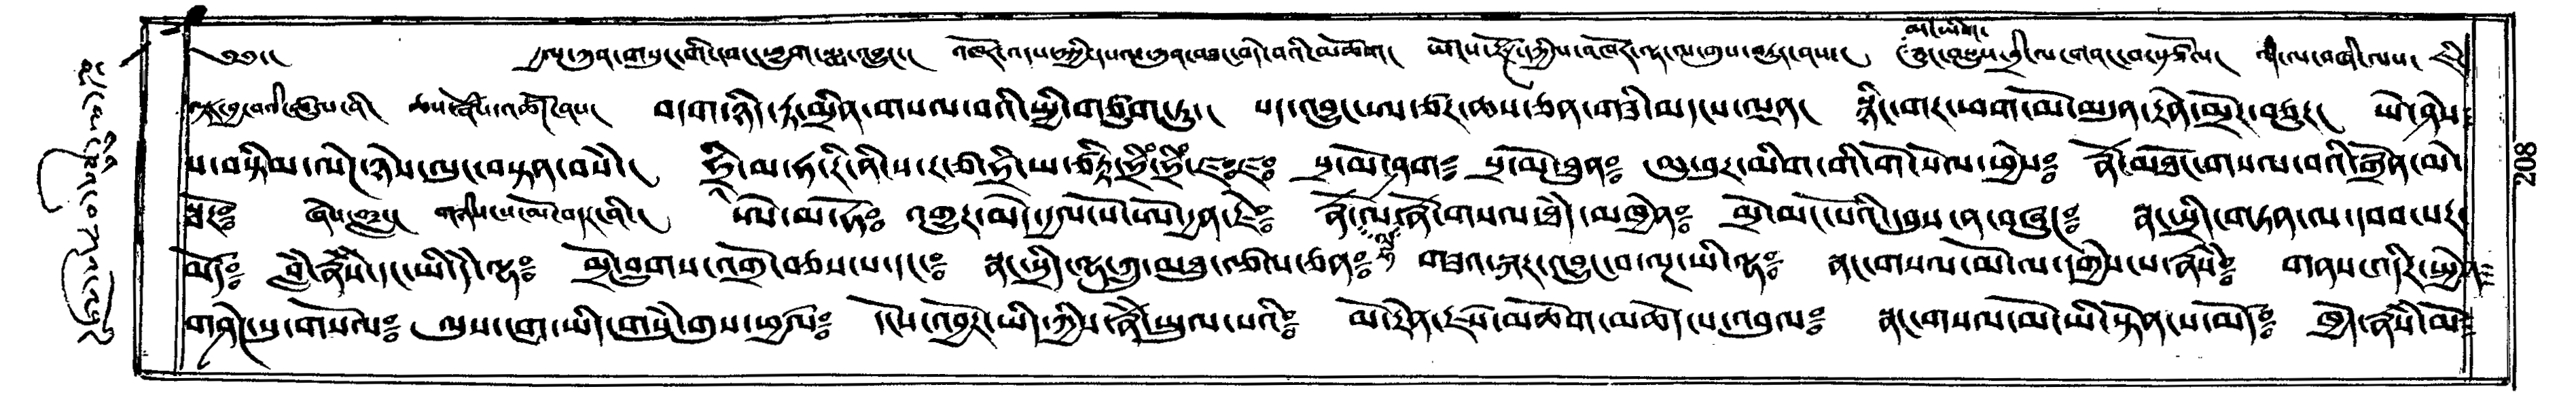༄༅། རྒྱལ་ཀུན་གསུང་གི་དབང་ཕྱུག་པདྨ་འབྱུང་། །འཁོར་འདས་སྤྱི་དཔལ་ཀུན་བཟང་བདེ་བའི་མཆོག །ཡོངས་རྫོགས་དཀྱིལ་འཁོར་ལྷ་ལ་གུས་བཏུད་ནས། །མོ་ཡིག་ཉུང་བསྡུས་འབྲི་ལ་གནང་བ་སྩོལ། འདི་ལ་བཞི་ལས། ཇི་
ལྟར་བྱ་བའི་ཚུལ་ནི། ཆས་རྣམས་ཚོགས་ནས། བདག་ཉིད་རྟ་མགྲིན་གསལ་བའི་སྤྱི་གཙུག་ཏུ། །པད་འབྱུང་ཨ་ཙར་ཆས་ཅན་གཟི་མདངས་ལྡན། །སྙིང་གར་ཕག་མོ་མདུན་རྟེན་མཁའ་འགྲོ་བཅུར། །ཡེ་ཤེས་
པ་བསྟིམ་ལེགས་ཉེས་ལུང་བསྟན་བསམ། ཧྲཱི་མ་ཧ་རི་ནི་ས་ར་ཙ་ཧྲི་ཡ་ཙིཏྟ་ཧྲིཾ་ཧྲིཾ་ཛཿཛཿ པྲ་མོ་ཤག༔ པྲ་མོ་ཐུན༔ ཆུ་བུར་མིག་གི་གོ་སོལ་ཕྱེས༔ རྣོ་མཐོང་གསལ་བའི་སྒྲོན་མེ་
སྦོར༔ ཞེས་བཟླ། གཉིས་པ་མོ་བདར་ནི། ཨེ་མ་ཧོ༔ འགྱུར་མེད་རྒྱལ་པོ་ཨོ་རྒྱན་རྗེ༔ རྣོ་ལྷ་རྣོ་གསལ་ཐམས་ཅད་མཁྱེན༔ མཁའ་འགྲོ་མང་པོའི་དབུས་ན་བཞུགས༔ སྣང་སྲིད་གཏན་ལ་དབབ་པར་
མཛོད༔ བླ་མ་རྣམས་དང་ཡི་དམ་ལྷ༔ མཁའ་འགྲཽ་ཤུགས་འགྲོ་བཅས་པ་དང༔ སྣང་སྲིད་ལྷ་ཀླུ་མཐུ་རྩལ་ཅན༔ གཟའ་སྐར་འབྱུང་བ་ལྔ་ཡི་ལྷ༔ སྣང་གསལ་མོ་ལ་དགྱེས་པ་རྣམས༔ གནས་འདིར་སྤྱན་འདྲེན་
གཤེགས་སུ་གསོལ༔ ལུས་ངག་ཡིད་གསུམ་གུས་ཕྱག་འཚལ༔ དངོས་འབྱོར་ཡིད་ཀྱིས་རྣམ་སྤྲུལ་པའི༔ མོ་རྟེན་རྫས་མཆོག་མཆོད་པ་འབུལ༔ སྣང་གསལ་མོ་ཡི་སྟོན་པ་མཛོད༔ ཁྱེད་རྣམས་མོ་